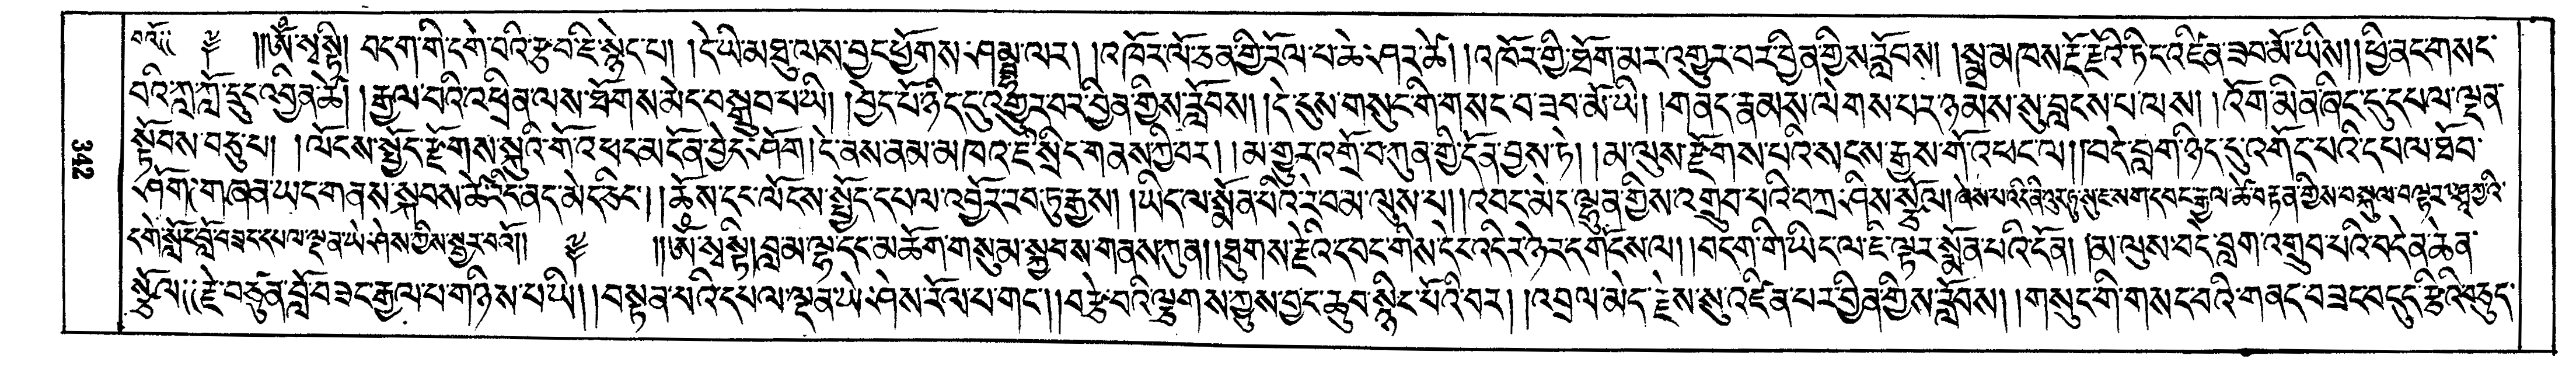བའོ༑༑ ༈ ༑༑ཨོཾ་སྭ་སྟི། བདག་གི་དགེ་བའི་རྩ་བ་ཇི་སྙེད་པ། །དེ་ཡི་མཐུ་ལས་བྱང་ཕྱོགས་ཤམྦྷ་ལར། །འཁོར་ལོ་ཅན་གྱི་རོལ་པ་ཆེ་ཤར་ཚེ། །འཁོར་གྱི་ཐོག་མར་འགྱུར་བར་བྱིན་གྱིས་རློབས། །སྨྲ་མཁས་རྡོ་རྗེའི་ཏིང་འཛིན་ཟབ་མོ་ཡིས། །ཕྱི་ནང་གསང་
བའི་ཀླ་ཀློ་དྲུང་འབྱིན་ཚེ། །རྒྱལ་བའི་འཕྲིན་ལས་ཐོགས་མེད་བསྒྲུབ་པ་ཡི། །བྱེད་པོ་ཉིད་དུ་འགྱུར་བར་བྱིན་གྱིས་རློབས། །དེ་དུས་གསུང་གི་གསང་བ་ཟབ་མོ་ཡི། །གནད་རྣམས་ལེགས་པར་ཉམས་སུ་བླངས་པ་ལས། །འོག་མིན་ཞིང་དུ་དཔལ་ལྡན་
སྟོབས་བཅུ་པ། །ལོངས་སྤྱོད་རྫོགས་སྐུའི་གོ་འཕང་མངོན་བྱེད་ཤོག །དེ་ནས་ནམ་མཁའ་ཇི་སྲིད་གནས་ཀྱི་བར། །མ་གྱུར་འགྲོ་བ་ཀུན་གྱི་དོན་བྱས་ཏེ། །མ་ལུས་རྫོགས་པའི་སངས་རྒྱས་གོ་འཕང་ལ། །བདེ་བླག་ཉིད་དུ་འགོད་པའི་དཔལ་ཐོབ་
ཤོག༑ གཞན་ཡང་གནས་སྐབས་ཚེ་རིང་ནད་མེད་ཅིང་། །ཆོས་དང་ལོངས་སྤྱོད་དཔལ་འབྱོར་རབ་ཏུ་རྒྱས། །ཡིད་ལ་སྨོན་པའི་རེ་བམ་ལུས་པ། །འབད་མེད་ལྷུན་གྱིས་འགྲུབ་པའི་བཀྲ་ཤིས་སྩོལ། ཞེས་བ་འདི་ནི་འུར་ཏུ་སུ་ཇ་སག་དབང་རྒྱལ་ཚེ་བརྟན་གྱིས་བསྐུལ་བལྟར ༧ཤཱཀྱའི་
དགེ་སློང་བློ་བཟང་དཔལ་ལྡན་ཡེ་ཤེས་ཀྱིས་སྦྱར་བའོ། ༈ །།ཨོཾ་སྭ་སྟི། བླ་མ་ལྷ་དང་མཆོག་གསུམ་སྐྱབས་གནས་ཀུན། །ཐུགས་རྗེའི་དབང་གིས་དེང་འདིར་ཉེར་དགོངས་ལ། །བདག་གི་ཡིད་ལ་ཇི་ལྟར་སྨོན་པའི་དོན། །མ་ལུས་བདེ་བླག་འགྲུབ་པའི་བདེན་ཆེན་
སྩོལ༑ ༑རྗེ་བཙུན་བློ་བཟང་རྒྱལ་བ་གཉིས་པ་ཡི། །བསྟན་པའི་དཔལ་ལྡན་ཡེ་ཤེས་རོལ་པ་གང་། །བརྩེ་བའི་ལྕགས་ཀྱུས་བྱང་ཆུབ་སྙིང་པོའི་བར། །འབྲལ་མེད་རྗེས་སུ་འཛིན་པར་བྱིན་གྱིས་རློབས། །གསུང་གི་གསང་བའི་གནད་བཟང་བདུད་རྩིའི་བཅུད་